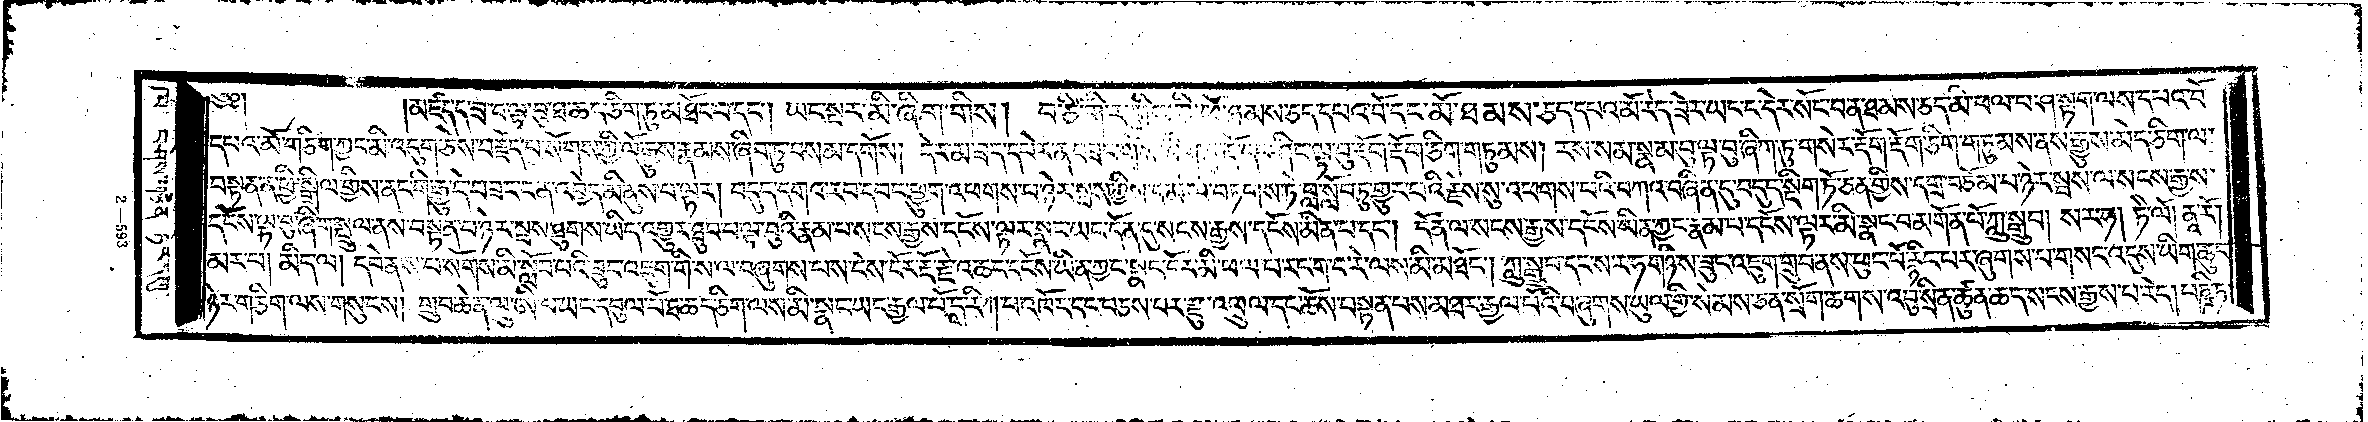༄༅། །མཛད་ད་ཟ་བ་ལྟ་བུ་ཐ་ཆད་ཅིག་ཏུ་མཐོང་བ་དང་། ཡང་སྔར་མི་ཞིག་གིས། བཙི་གི་ར་གླིང་གི་ཕོ་ཐམས་ཅད་དཔའ་བོ་དང་མོ་ཐམས་ཅད་དཔའ་མོ་རེད་ཟེར་ཡང་ང་དེར་སོང་བ་ན་ཐམས་ཅད་མི་ཕལ་བ་ཤ་སྟག་ལས་དཔའ་བོ་
དཔའ་མོ་གཅིག་ཀྱང་མི་འདུག་ཅེས་བརྗོད་པ་སོགས་ཀྱི་ལོ་རྒྱུས་རྣམས་ཞིབ་ཏུ་བསམ་དགོས། དེར་མ་ཟད་དཔེར་ན་བཟང་གོས་ཤིག་ཏུ་རྡོ་དང་ཤིང་ལྟ་བུ་རྡོག་རྡོག་ཅིག་གཏུམས། རས་སམ་སྣམ་བུ་ལྟ་བུ་ཞིག་ཏུ་གསེར་རྡོག་རྡོག་ཅིག་གཏུམས་ནས་རྒྱུས་མེད་ཅིག་ལ་
བསྟན་ན་ཕྱི་སྒྲིལ་གྱིས་ནང་གི་རྒྱུ་དེ་བཟང་ངན་འབྱེད་མི་ནུས་པ་ལྟར། བདུད་དགའ་རབ་དབང་ཕྱུག་འཕགས་པ་ཉེར་སྦས་ཀྱིས་དམ་ལ་བཏགས་ཏེ་གླ་སློབ་ཏུ་གྱུར་པའི་རྗེས་སུ་འཕགས་པའི་བཀའ་བཞིན་དུ་བདུད་སྡིག་ཏོ་ཅན་གྱིས་དགྲ་བཅོམ་པ་ཉེར་སྦས་ལ་སངས་རྒྱས་
དངོས་ལྟ་བུ་ཞིག་སྤྲུལ་ནས་བསྟན་བ་ཉེར་སྦས་ཐུགས་ཡིད་འགྱུར་ཐུབ་པ་ལྟ་བུའི་རྣམ་པ་སངས་རྒྱས་དངོས་ལྟར་སྣང་ཡང་དོན་དུ་སངས་རྒྱས་དངོས་མིན་པ་དང་། དོན་ལ་སངས་རྒྱས་དངོས་ཡིན་ཀྱང་རྣམ་པ་དངོས་ལྟར་མི་སྣང་བ་མགོན་པོ་ཀླུ་སྒྲུབ། ས་ར་ཧ། ཏཻ་ལོ། ནཱ་རོ།
མར་པ། མིད་ལ། དབེན་ས་པ་སོགས་མི་སློབ་པའི་ཟུང་འཇུག་གི་ས་ལ་བཞུགས་པས་ངེས་དོར་རྡོ་རྗེ་འཆང་དངོས་ཡིན་ཀྱང་སྣང་དོར་མི་ཕལ་བར་དག་ང་རེ་ལས་མི་མཐོང་། ཀླུ་སྒྲུབ་དང་ས་ར་ཧ་གཉིས་ཟུང་འཇུག་གྲུབ་ནས་ཕུང་པོ་རྙིང་པར་ཞུགས་པ་གསང་འདུས་ཡིག་ཆུང་
ཉེར་གཅིག་ལས་གསུངས། གྲུབ་ཆེན་ལུ་ཨི་པ་ཡང་དབུལ་པོ་ཐ་ཆད་ཅིག་ལས་མི་སྣང་ཡང་རྒྱལ་པོ་དཱ་རིཀ་པ་འཁོར་དང་བཅས་པར་རྫུ་འཕྲུལ་དང་ཆོས་བསྟན་པས་མཐར་རྒྱལ་པོའི་བཞུགས་ཡུལ་གྱི་སེམས་ཅན་སྲོག་ཆགས་འབུ་སྲིན་ཚུན་ཆད་སངས་རྒྱས་པ་རེད། པཎྜི་ཏ་